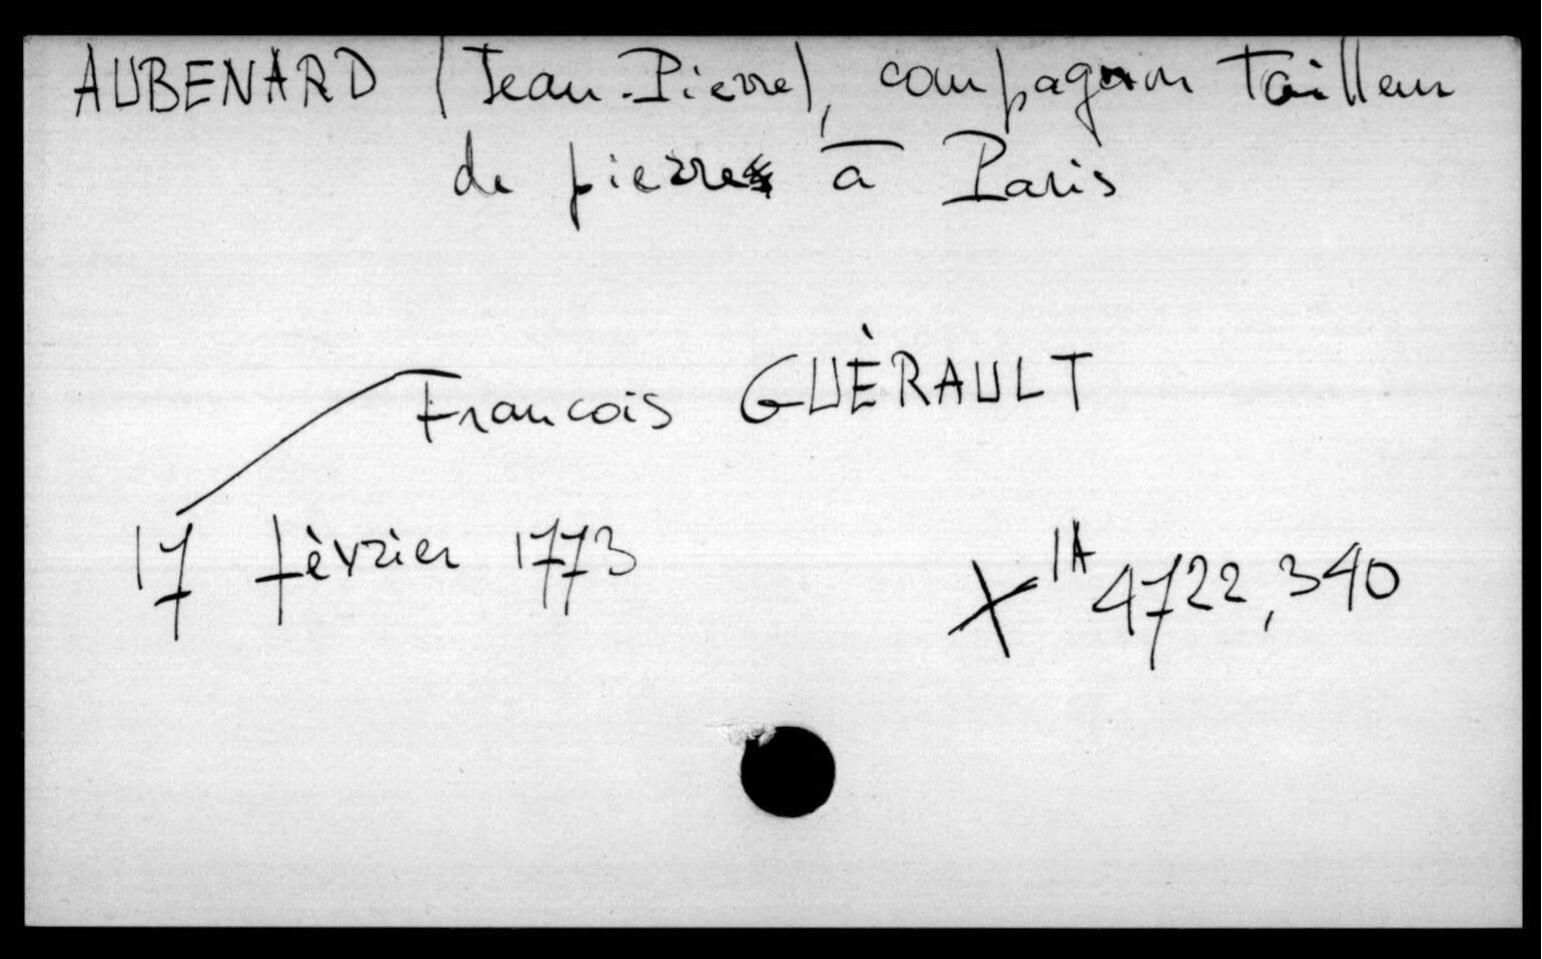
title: AUBENARD (Jean-Pierre), compagnon tailleur de pierre à Paris
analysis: Contre François GUERAULT
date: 17 février 1773
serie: X1A
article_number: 4722
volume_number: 340
